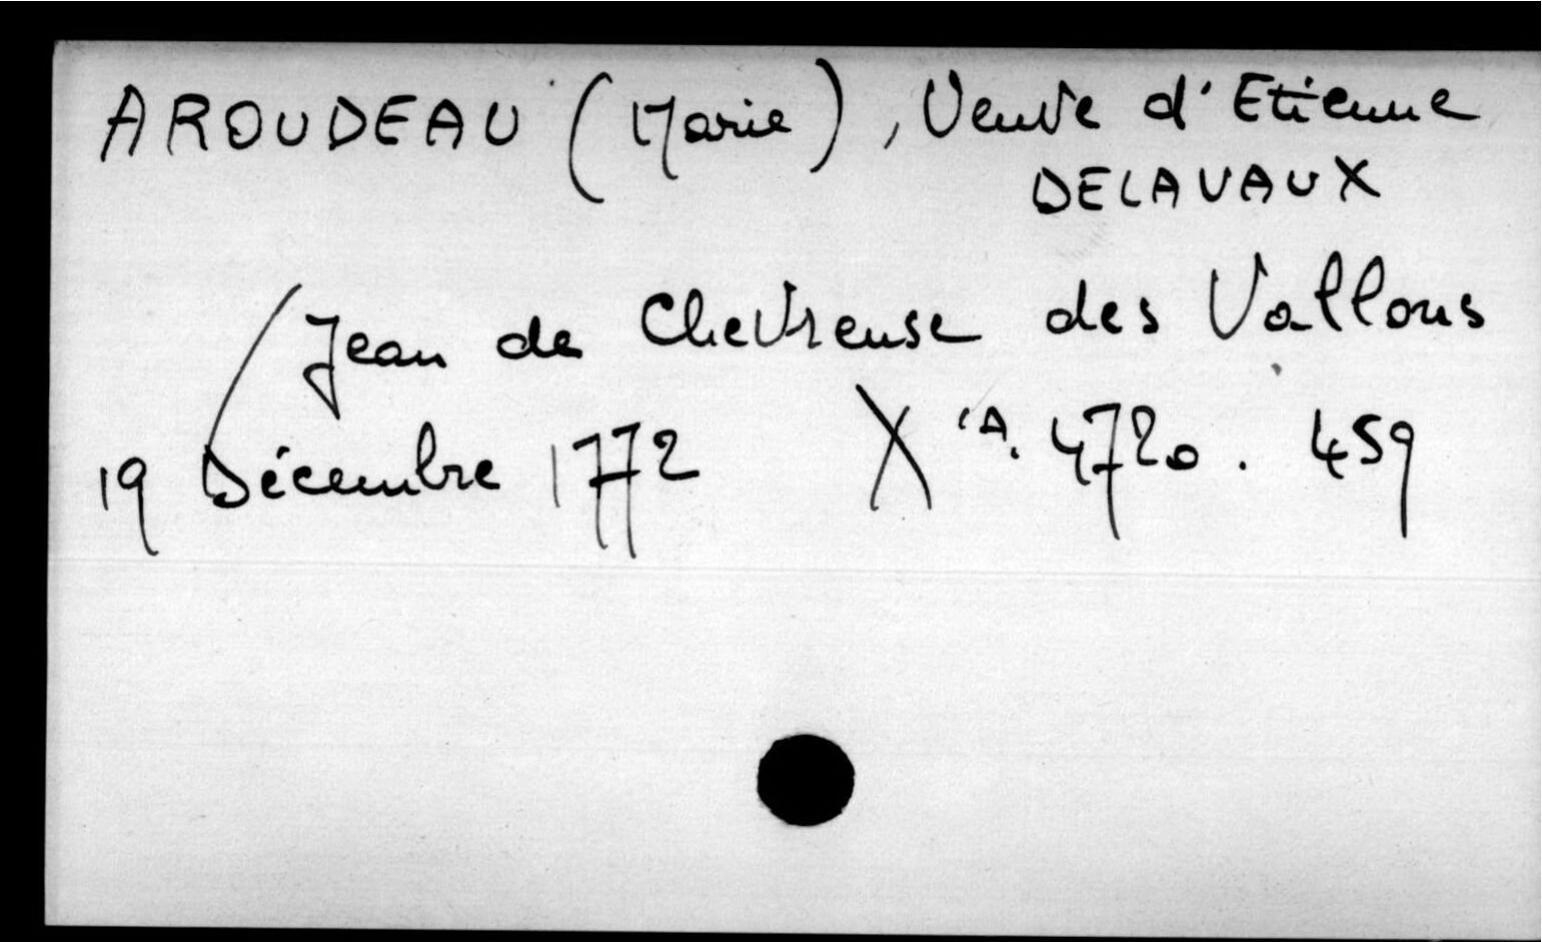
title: AROUDEAU (Marie), Veuve d'Étienne DELAVAUX
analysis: Contre Jean de Chevreuse des Vallons
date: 19 décembre 1772
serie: X1A
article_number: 4720
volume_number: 459
